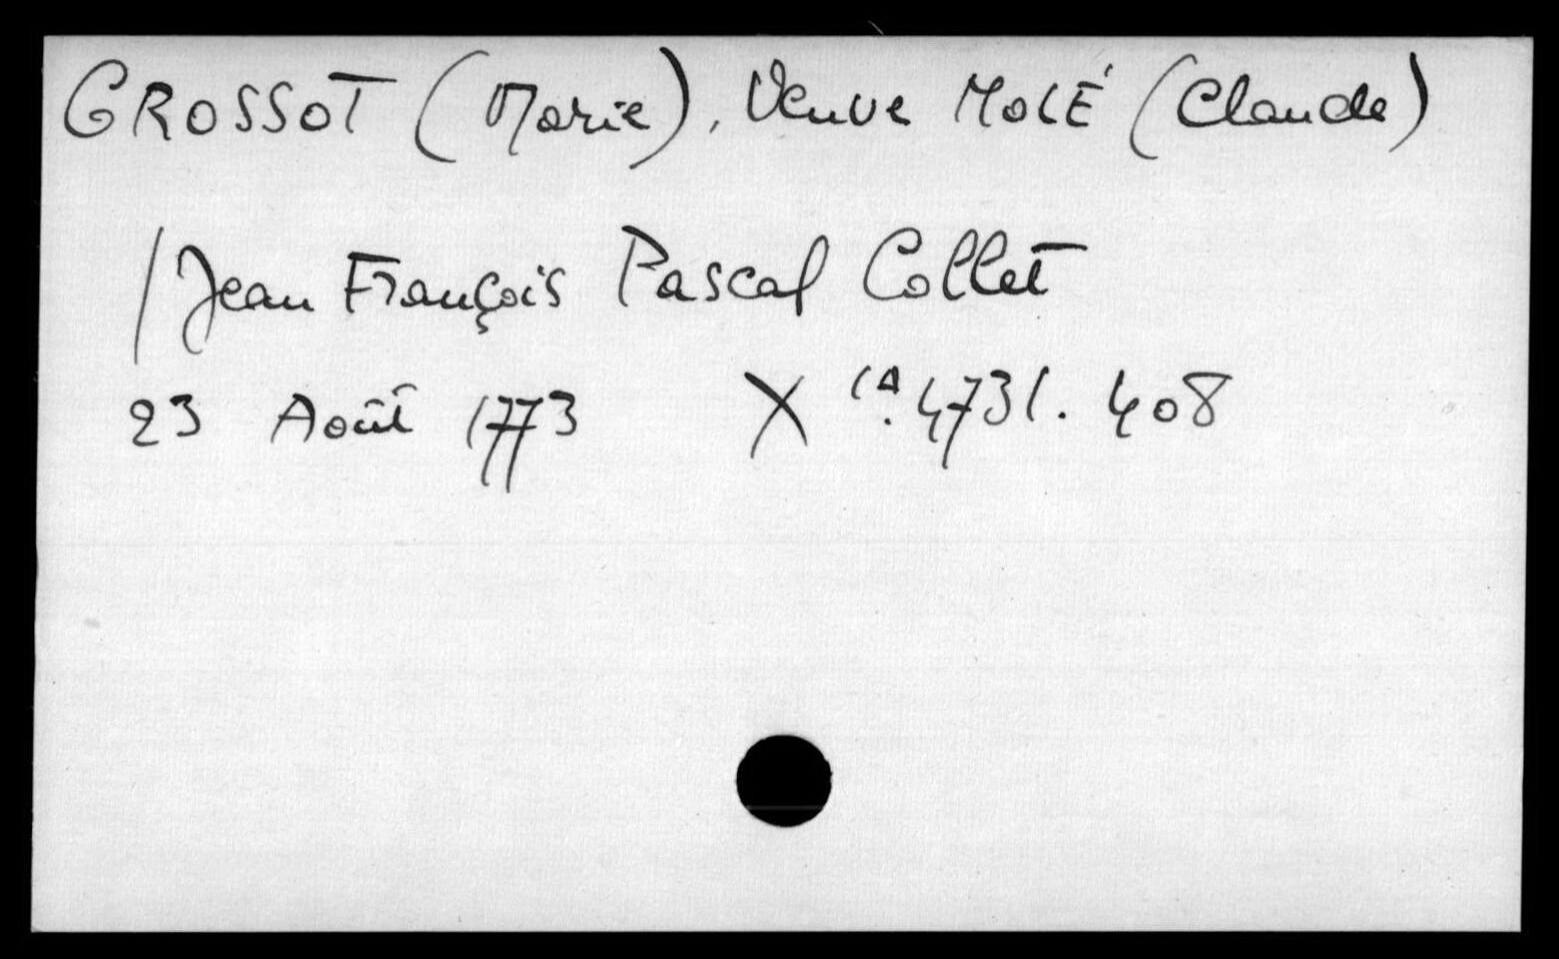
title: GROSSOT (Marie), veuve MOLÉ (Claude)
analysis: Contre Jean François Pascal Collet
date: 23 août 1773
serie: X1A
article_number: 4731
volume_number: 408
